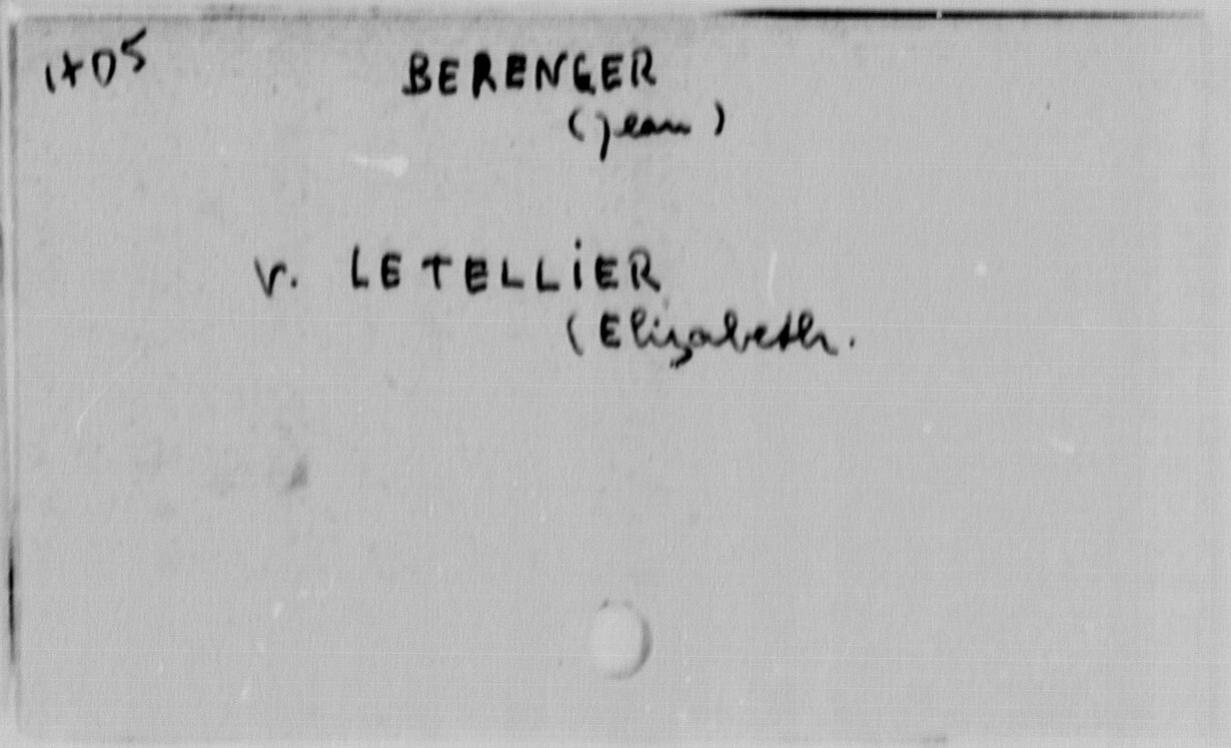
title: BERENGER (Jean)
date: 1705
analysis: Voir : LETELLIER (Élisabeth)
